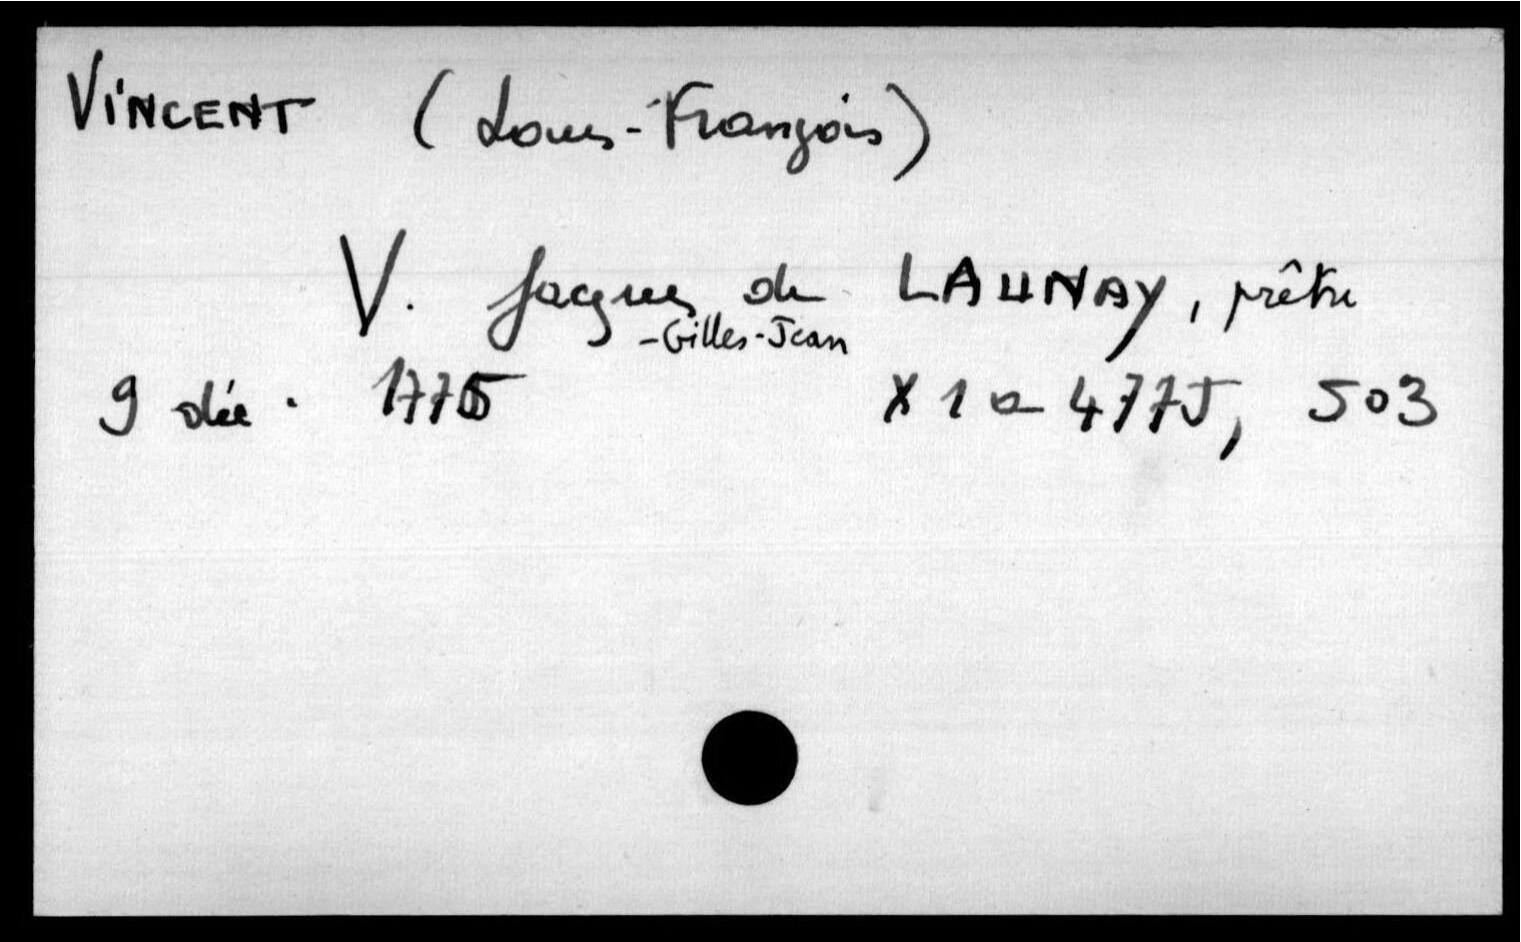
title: VINCENT (Louis-François)
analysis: Voir Jacques-Gilles-Jean de LAUNAY, prêtre
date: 9 décembre 1775
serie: X1a
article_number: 4775
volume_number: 503
